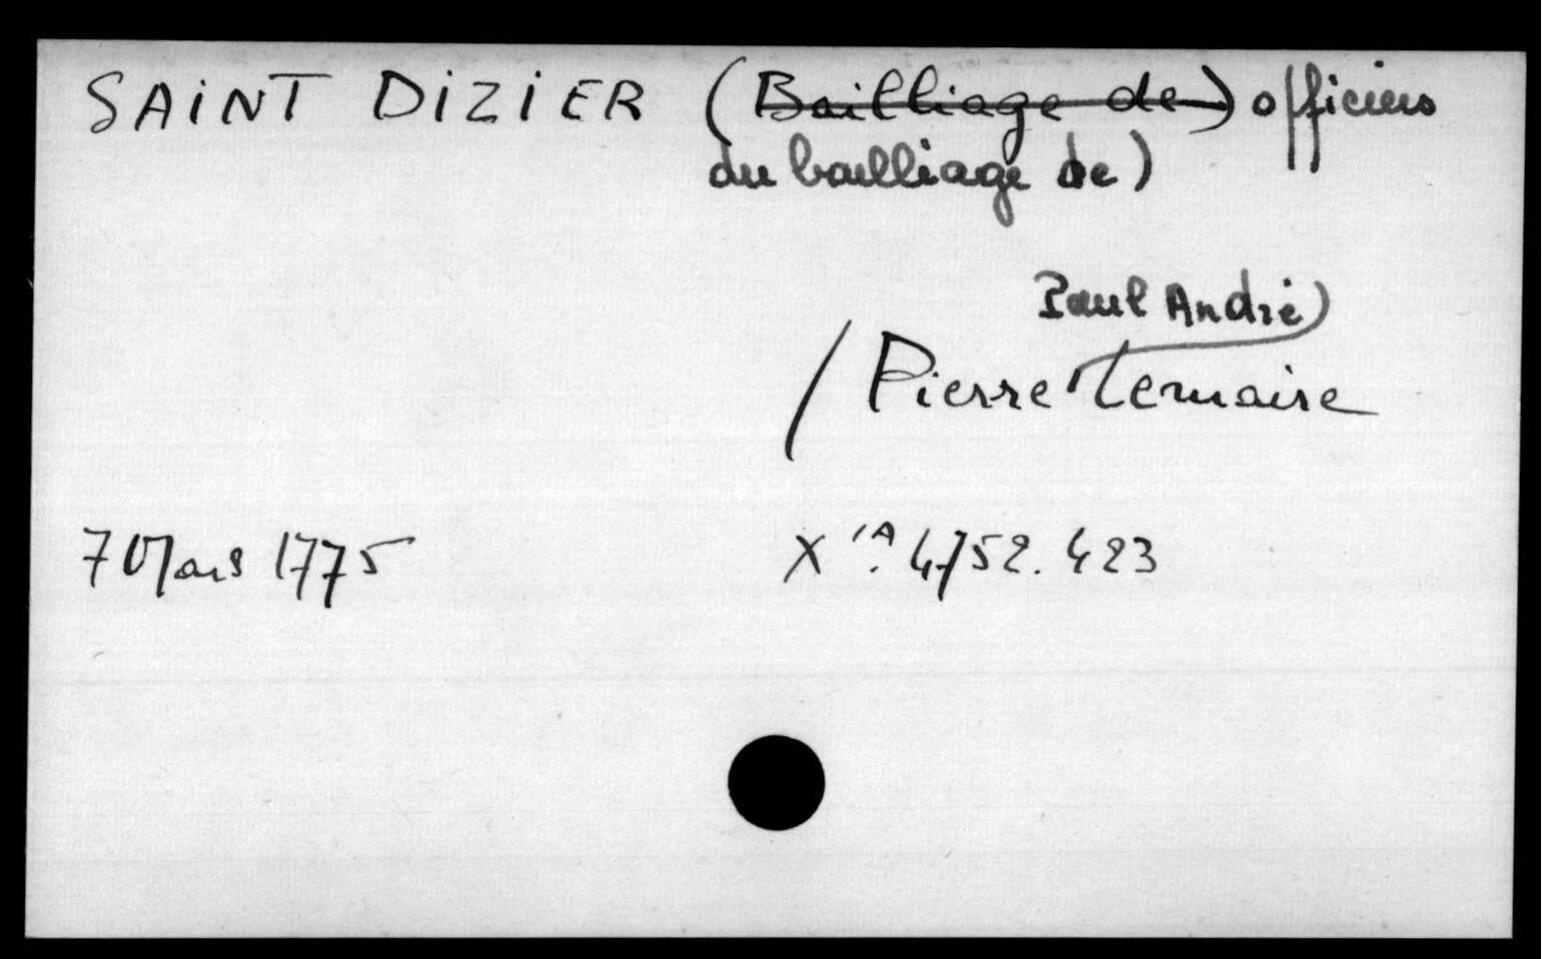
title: SAINT DIZIER (officiers du bailliage de)
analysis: Contre Pierre Paul André Lemaire
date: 7 mars 1775
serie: X1A
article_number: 4752
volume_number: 423
